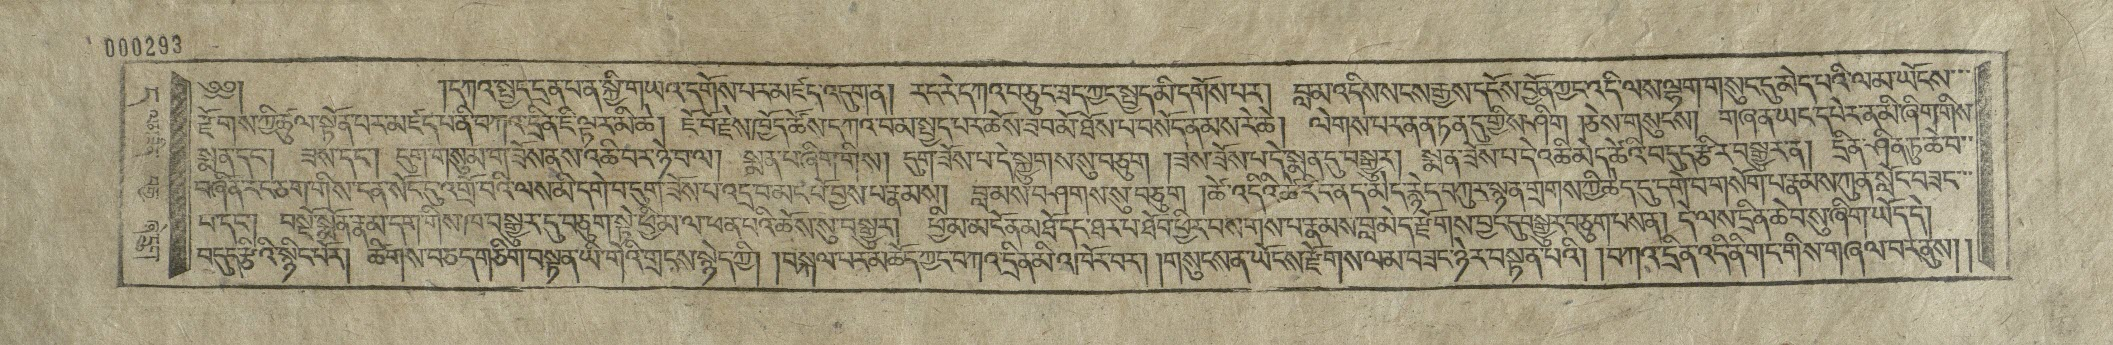༄༅། །དཀའ་སྤྱད་དྲན་པ་ན་སྐྱི་གཡའ་དགོས་པར་མཛད་འདུག་ན། རང་རེ་དཀའ་བ་ཅུང་ཟད་ཀྱང་སྤྱད་མི་དགོས་པར། བླ་མ་འདིས་སངས་རྒྱས་དངོས་བྱོན་ཀྱང་འདི་ལས་ལྷག་གསུང་དུ་མེད་པའི་ལམ་ཡོངས་
རྫོགས་ཀྱི་ཚུལ་སྟོན་པར་མཛད་པ་ནི་བཀའ་དྲིན་ཇི་ལྟར་མི་ཆེ། ཇོ་བོ་རྗེས་ཁྱོད་ཚོས་དཀའ་བ་མ་སྤྱད་པར་ཆོས་ཟབ་མོ་ཐོས་པ་བསོད་ནམས་རེ་ཆེ། ལེགས་པར་ནན་ཏན་དུ་གྱིས་ཤིག །ཅེས་གསུངས། གཞན་ཡང་དཔེར་ན་མི་ཞིག་གིས་
སྨན་དང་། ཟས་དང་། དུག་གསུམ་ག་ཟོས་ནས་འཆི་བར་ཉེ་བ་ལ། སྨན་པ་ཞིག་གིས། དུག་ཟོས་པ་དེ་སྐྱུགས་སུ་བཅུག །ཟས་ཟོས་པ་དེ་སྨན་དུ་བསྒྱུར། སྨན་ཟོས་པ་དེ་འཆི་མེད་ཚེའི་བདུད་རྩིར་བསྒྱུར་ན། དྲིན་ཤིན་ཏུ་ཆེ་བ་
བཞིན་རང་ཅག་གིས་ངན་སོང་དུ་འགྲོ་བའི་ལས་མི་དགེ་བ་དུག་ཟོས་པ་འདྲ་བ་མང་པོ་བྱས་པ་རྣམས། བླ་མས་བཤགས་སུ་བཅུག །ཚེ་འདིའི་ཚེ་རིང་ནད་མེད་རྙེད་བཀུར་སྙན་གྲགས་ཀྱི་ཆེད་དུ་དགེ་བ་གསོག་པ་རྣམས་ཀུན་སློང་བཟང་
བ་དང་། བསྔོ་སྨོན་རྣམ་དག་གིས་ཁ་བསྒྱུར་དུ་བཅུག་སྟེ་ཕྱི་མ་ལ་ཕན་པའི་ཆོས་སུ་བསྒྱུར། ཕྱི་མ་མངོན་མཐོ་དང་ཐར་པ་ཐོབ་ཕྱིར་བསགས་པ་རྣམས་བླ་མེད་རྫོགས་བྱང་དུ་བསྒྱུར་བཅུག་པས་ན། དེ་ལས་དྲིན་ཆེ་བ་སུ་ཞིག་ཡོད་དེ།
བདུད་རྩིའི་སྙིང་པོར། ཚིགས་བཅད་གཅིག་བསྟན་ཡི་གེའི་གྲངས་སྙེད་ཀྱི། །བསྐལ་པར་མཆོད་ཀྱང་བཀའ་དྲིན་མི་འཁོར་བར། །གསུངས་ན་ཡོངས་རྫོགས་ལམ་བཟང་ཉེར་བསྟན་པའི། །བཀའ་དྲིན་འདི་ནི་གང་གིས་གཞལ་བར་ནུས། །